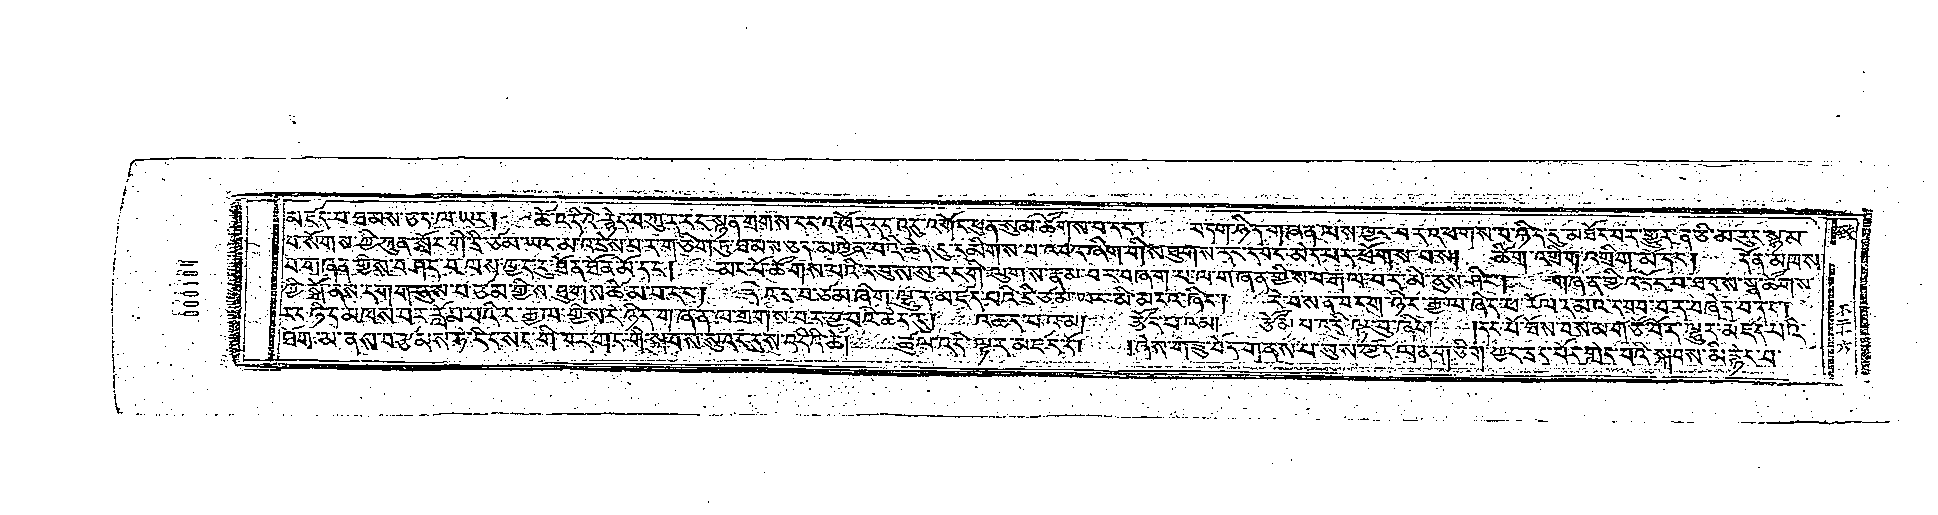མཛད་པ་ཐམས་ཅད་ལ་ཡང་། ཚེ་འདིའི་རྙེད་བཀུར་དང་སྙན་གྲགས་དང་འཁོར་དང་འདུ་འགོང་ཕུན་སུམ་ཚོགས་པ་དང་། བདག་ཉིད་གཞན་ལས་ཁྱད་པར་འཕགས་བ་ཉིད་དུ་མཐོང་བར་གྱུར་ན་ཅི་མ་རུང་སྙམ་
པ་སོགས་ཀྱི་ཀུན་སློང་གི་དྲི་ཙམ་ཡང་མ་འདྲེས་པར་གཅིག་ཏུ་ཐམས་ཅད་མཁྱེན་བའི་ཆེད་དུ་དམིགས་པ་འབའ་ཞིག་གིས་ཐུགས་རང་དབང་མེད་པར་ཕྲོགས་པས། ཚིག་འགྲིག་འགྲིག་མོ་དང་། དོན་མཁས་
བ་གཞན་གྱིས་བཤད་པ་ལས་ཁྱད་དུ་ཐོན་ཐོན་མོ་དང་། མང་པོ་ཚོགས་པའི་དབུས་སུ་རང་གི་ལུགས་རྣམ་པར་བཞག་པ་ལ་གཞན་གྱིས་བརྒལ་བར་མི་ནུས་ཤིང་། གཞན་གྱི་འདོད་པ་ཐབས་སྣ་ཚོགས་
ཀྱི་སྒོ་ནས་དགག་ནུས་པ་ཙམ་གྱིས་ཐུགས་ཚིམ་པ་དང་། དེ་འདྲ་བ་ཙམ་ཞིག་ལྷུར་མཛད་པའི་དྲི་ཙམ་ཡང་མི་མངའ་ཞིང་། དེ་བས་ན་བདག་ཉིད་རྒྱལ་ཞིང་ཕ་རོལ་དམའ་དབབ་བར་བཞེད་པ་དང་།
རང་ཉིད་མཁས་པར་རློམ་པའི་ང་རྒྱལ་གྱིས་དེ་ཉིད་གཞན་ལ་གྲགས་པར་བྱ་བའི་ཆེད་དུ། འཆད་བའམ། རྩོད་པའམ། རྩོམ་པ་འདི་ལྟ་བུ་ཞིག །དང་པོ་ཐོས་བསམ་གཙོ་བོར་ལྷུར་མཛད་པའི་
ཐོག་མ་ནས་བརྩམས་ཏེ་དེང་སང་གི་བར་གང་གི་སྐབས་སུའང་དུས་འདིའི་ཚེ། ཚུལ་འདི་ལྟར་མཛད་དོ། །ཞེས་གཟུ་བོར་གནས་པ་སུས་ཁྱད་ལན་གཅིག་ཀྱང་དྲང་བོར་གླེང་བའི་སྐབས་མི་རྙེད་པ་